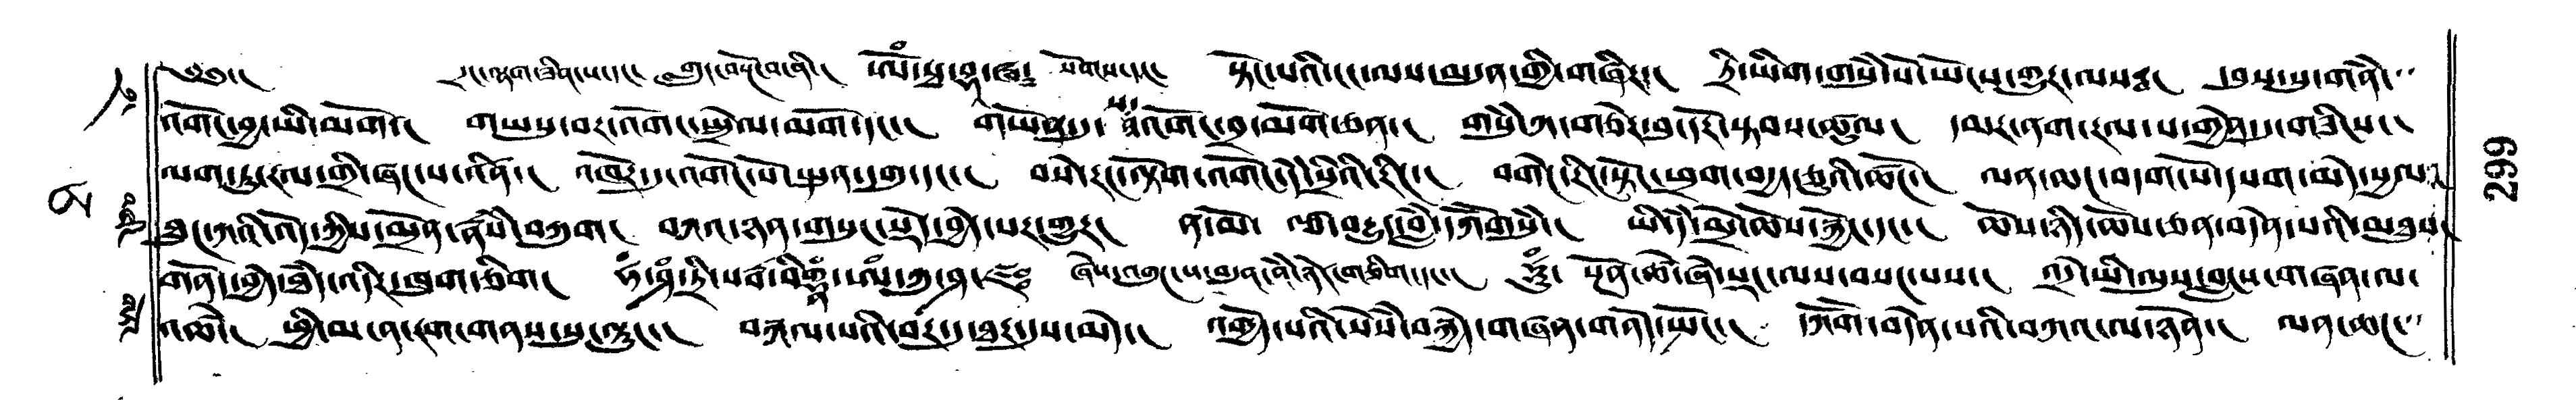དྲང་ལྷག་ཟིན་པ་དང་། གླུད་བསྔོ་བ་ནི། ཨོཾ་སྭ་བྷཱ་ཝ༴ སོགས་དང་། སྟོང་པའི་ངང་ལས་མདུན་གྱི་གཞིར། །ཏྲི་ཡིག་གསུམ་པོ་ཡོངས་གྱུར་ལས། དབུས་སུ་གནམ་
འགོང་བྱ་ཡི་མགོ །གཡས་སུ་བར་འགོང་སྤྲེལ་མགོ་དང་། །གཡོན་དུ་ས་འགོང་བྲ་མགོ་ཅན། །གསུམ་ཀ་གཅེར་བུ་དོར་སྟབས་ཚུལ། །དམར་ནག་རལ་པ་གྱེན་དུ་གཟིངས། །
ལག་ཏུ་རལ་གྲི་ཞགས་པ་འཛིན། །འཁོར་དུ་འགོང་པོ་སྤུན་དགུ་དང་། །བསེ་རག་ལྟོགས་འགོང་དམ་སྲིའི་རིགས། །བགེགས་རིགས་སྟོང་ཕྲག་བརྒྱད་ཅུའི་ཚོགས། །ལན་ཆགས་བདག་པོ་དཔག་མེད་གས། །
ཐུགས་ཀའི་འོད་ཀྱིས་མགྲོན་རྣམས་བཀུག །བཀའ་ཉན་གསུང་སྡོད་བྱེད་པར་གྱུར། ན་མོ། རྩ་བརྒྱུད་བླ་མ་དཀོན་མཆོག་གསུམ། །ཡི་དམ་མཁའ་འགྲོ་ཆོས་སྐྱོང་དང་། །ཆོས་ཉིད་ཆས་ཅན་བདེན་པའི་མཐུས། །
གནོད་བྱེད་ཐམས་ཅད་འདིར་ཁུག་ཅིག ཧཾ་ཤཾ་ཏྲི་སརྦ་བིགྷྣཾ་ཨཾ་ཀུ་ཤ་ཛཿ ཞེས་འགུགས་པ་བདུན་ནམ་ཉེར་གཅིག་དང་། ཧཱུྃ། སྔོན་ཚེ་ཞེ་སྡང་ལས་བསགས་པས། །འདྲེ་ཡི་ལུས་བླངས་གཞན་ལ་
འཚེ། ཕྱི་མ་ན་རཀ་གནས་སུ་ལྟུང་། །བསྐལ་པའི་བར་དུ་ཐར་དུས་མེད། །འགྱོད་པའི་སེམས་བསྐྱེད་གཞན་གནོད་སྤོངས། །དཀོན་མཆོག་བདེན་པའི་བཀའ་ལ་ཉོན། །ལན་ཆགས་